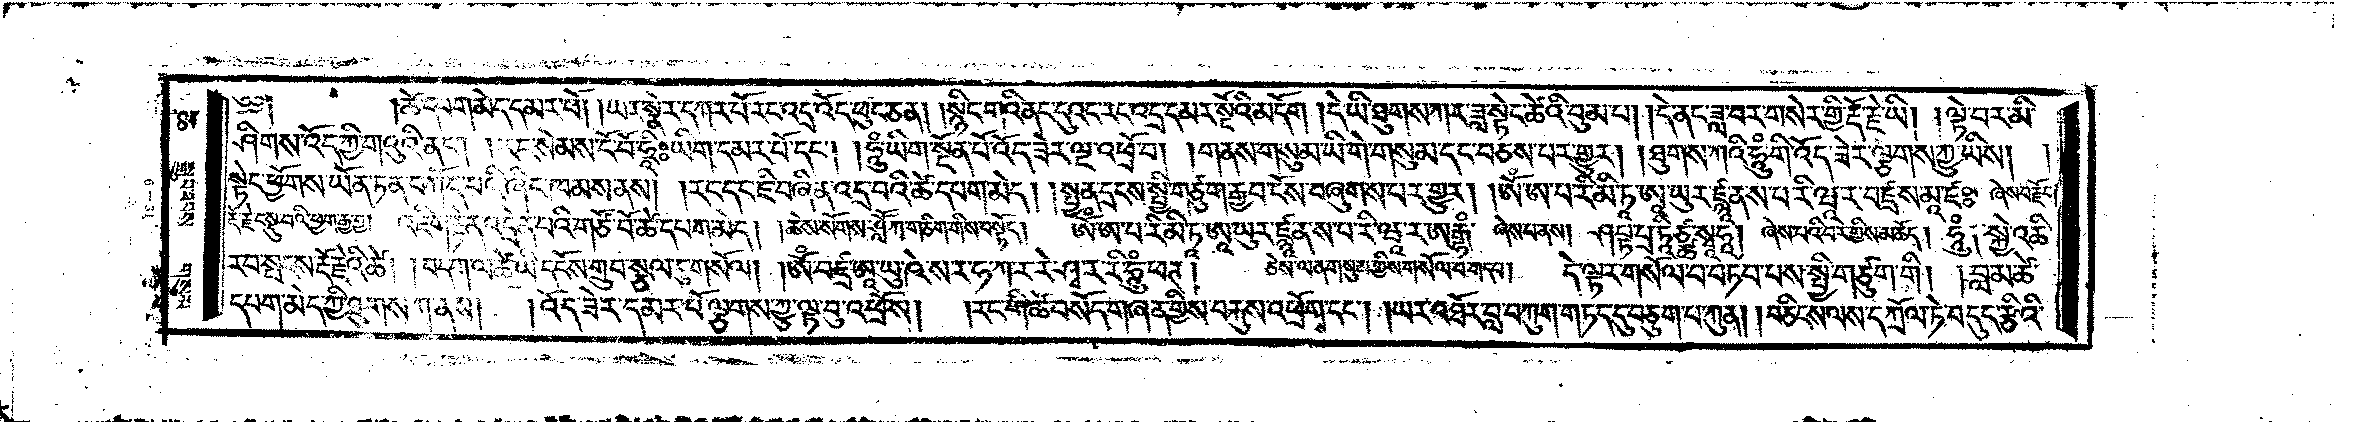༄༅། །ཚེ་དཔག་མེད་དམར་པོ། །ཡར་སྣེར་དཀར་པོ་རང་འདྲ་འོད་ཕུང་ཅན། །སྙིང་གའི་ནང་དུའང་རང་འདྲ་དམར་སྔོའི་མདོག །དེ་ཡི་ཐུགས་ཀར་ཟླ་སྟེང་ཚེའི་བུམ་པ། །དེ་ནང་ཟླ་བར་གསེར་གྱི་རྡོ་རྗེ་ཡི། །ལྟེ་བར་མི་
ཤིགས་འོད་ཀྱི་གའུའི་ནང་། །རང་སེམས་ངོ་བོ་ཧྲཱིཿཡིག་དམར་པོ་དང་། །ཧཱུཾ་ཡིག་སྔོན་པོ་འོད་ཟེར་ལྔ་འཕྲོ་བ། །གནས་གསུམ་ཡི་གེ་གསུམ་དང་བཅས་པར་གྱུར། །ཐུགས་ཀའི་ཧཱུཾ་གི་འོད་ཟེར་ལྕགས་ཀྱུ་ཡིས། །
སྟེང་ཕྱོགས་ཡོན་ཏན་བཀོད་པའི་ཞིང་ཁམས་ནས། །རང་དང་ཇི་བཞིན་འདྲ་བའི་ཚེ་དཔག་མེད། །སྤྱན་དྲངས་སྤྱི་གཙུག་རྒྱབ་ངོས་བཞུགས་པར་གྱུར། །ཨོཾ་ཨ་པ་རི་མི་ཏཱ་ཨཱ་ཡུར་ཛྙཱ་ན་ས་པ་རི་ཝཱ་ར་བཛྲས་མཱ་ཛཿ ཞེས་བརྗོད།
རྡོ་རྗེ་བསྡུ་བའི་ཕྱག་རྒྱ་བྱ། འཇིག་རྟེན་འདྲེན་པའི་གཙོ་བོ་ཚེ་དཔག་མེད། །ཆེས་སོགས་ཤླཽཀ་གཅིག་གིས་བསྟོད།  ཨོཾ་ཨ་པ་རི་མི་ཏཱ་ཨཱ་ཡུར་ཛྙཱ་ན་ས་པ་རི་ཝཱ་ར་ཨརྒྷཾ། ཞེས་པ་ནས།  ཤཔྟ་པྲ་ཏཱི་ཙྪ་སྭཱཧཱ། ཞེས་པའི་བར་གྱིས་མཆོད།  ཧཱུཾ༑ སྐྱེ་འཆི་
རབ་སྤངས་རྡོ་རྗེའི་ཚེ། །བདག་ལ་ཚེ་ཡི་དངོས་གྲུབ་སྩལ་དུ་གསོལ། །ཨོཾ་བཛྲ་ཨཱ་ཡུ་ཥེ་ས་ར་ཧ་ཀ་ར་རེ་ཤྭར་རི་ཧཱུཾ་ཕཊ། ཅེས་ལན་གསུམ་གྱིས་གསོལ་བ་གདབ།  དེ་ལྟར་གསོལ་བ་བཏབ་པས་སྤྱི་གཙུག་གི། །བླ་མ་ཚེ་
དཔག་མེད་ཀྱི་ཐུགས་ཀ་ནས། །འོད་ཟེར་དམར་པོ་ལྕགས་ཀྱུ་ལྟ་བུ་འཕྲོས། །རང་གི་ཚེ་བསོད་གཞན་གྱིས་བརྐུས་འཕྲོགས་དང་། །ཡར་འཐོར་བླ་བཀུག་གཏད་དུ་བཅུག་པ་ཀུན། །བཅིངས་ལས་དཀྲོལ་ཏེ་བདུད་རྩིའི་